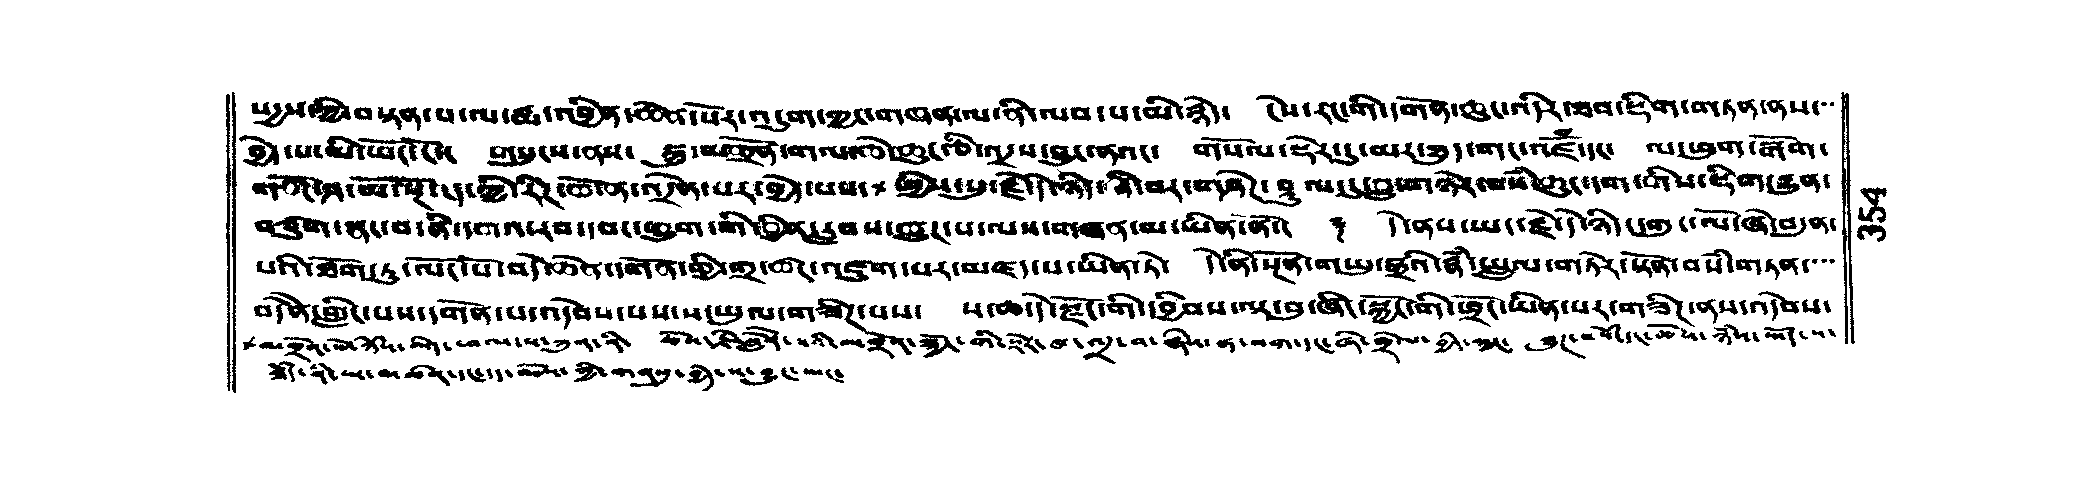སངས་རྒྱས་ཀྱི་བསྟན་པ་ལ་རྨ་འབྱིན་ཆེན་པོར་འདུག་ཀྱང་གཞན་ལ་ནི་ལབ་ས་མི་རྙེད།ངོས་རང་གི་དགོན་ཆུང་འདིར་ཐབ་སྡིག་གཏན་ནས་
བྱེད་པ་མི་ཕོད་དོ། གསུངས་ནས་སྐུ་མགྲོན་གལ་ཆེ་ཆུང་ཅི་འདྲ་བྱུང་ནའང་། གསོལ་སྡེར་དུ་མར་ཐུད་གང་འཛོམ་དང་། ལ་ཕུག་སྒོག་
གཙོང་ཤ་མོ་སྔོ་ངད་ཀྱི་རིགས་ཁོ་ན་འདྲེན་པར་བྱེད་པས་མགྲོན་པོ་ཉམས་མེད་ཕལ་པ་ཀུན་ནི། ཆོས་རྗེ་སློབ་དཔོན་པའི་མགྲོན་སྐྱོང་གི་སྡེར་ཁ་འདྲ་བ་ཞེས་ཧ་གང་དང་ཞེ་ཁྲེལ་བྱེད་ཀྱང་། ཐུགས་བསམ་དང་ཆོས་ཉམས་ཡོད་པ་ཐམས་ཅད་ནི་ཡ་མཚན་དང་ད་མོས་ཀྱི་གནས་སུ་བྱེད་པ་བྱུང་ཡང་། ཕྱིས་སུ་རྗེ་དེ་ཉིད་ཞི་བར་གཤེགས་ཤུལ་དུ་བླ་གཉེར་བསམ་ཆུང་དག་གིས་སྡིག་རྒྱུན་
གཙུགས་སྣང་བ་ནི་དགའ་རབ་དབང་ཕྱུག་གི་བྱིན་རླབས་ཞུགས་པ་ལས་གཞན་མ་ཡིན་ནོ།། ༈ དེ་ནས་ཡང་རྗེ་དེ་ཉིད་དགུང་ལོ་ཞེ་བདུན་
པའི་ཐོག་ཏུ་ལོང་པོ་བདེ་ཆེན་དགོན་གྱི་གྲྭ་ཚང་འཇུག་པར་མཛད་པ་ཡིན་ཏེ། དེ་ནི་སྔོན་གཡུ་སྒྲའི་རྣམ་སྤྲུལ་གཏེར་སྟོན་བསམ་གཏན་
བདེ་ཆེན་གླིང་པས་དགོན་པ་འདེབས་པའི་ས་ཡུལ་གཟིགས་པས། ས་ཆ་དེ་རྫོང་གི་དབྱིབས་ལྟ་བུ་ཞིང་སྐྱོང་གི་ཕོ་བྲང་ཡིན་པར་གཟིགས་ནས་འདེབས་